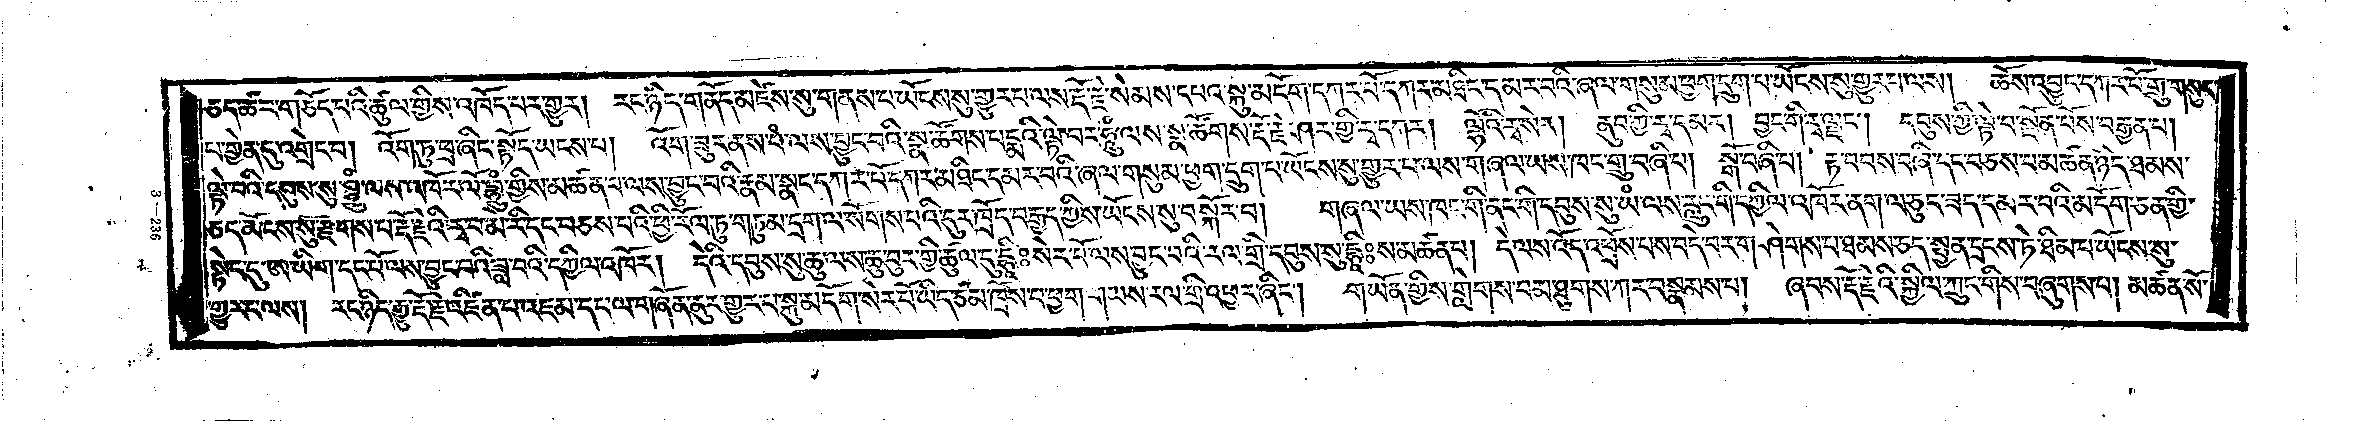ཅད་ཚང་གཅོད་པའི་ཚུལ་གྱིས་འཁོར་པར་གྱུར། རང་ཉིད་གནོད་མཛེས་སུ་གནས་པ་ཡོངས་སུ་གྱུར་པ་ལས་རྡོ་རྗེ་སེམས་དཔའ་སྐུ་མདོག་དཀར་པོ་དཀར་མཐིང་དམར་བའི་ཞལ་གསུམ་ཕྱག་དྲུག་པ་ཡོངས་སུ་གྱུར་པ་ལས། ཆོས་འབྱུང་དཀར་པོ་གྲུ་གསུང་
པ་གྱེན་དུ་འགྲེང་བ། འོག་ཏུ་ཕྲ་ཞིང་སྟོད་ཡངས་པ། འོག་ཟུར་ནས་བཾ་ལས་བྱུང་བའི་སྣ་ཚོགས་པདམའི་ལྟེ་བར་ཧཱུཾ་ལས་སྣ་ཚོགས་རྡོ་རྗེ་ཤར་གྱི་རྭ་དཀར། ལྷོའི་རྭ་སེར། ནུབ་ཀྱི་རྭ་དམར། བྱང་གི་རྭ་ལྗང་། དབུས་ཀྱི་ལྟེ་བ་སྔོན་པོས་བརྒྱན་པ།
ལྟེ་བའི་དབུས་སུ་བྷཱུཾ་ལས་འཁོར་ལོ་བྷཱུཾ་གྱིས་མཚན་པ་ལས་བྱུང་བའི་རྣམ་སྣང་དཀར་པོ་དཀར་མཐིང་དམར་པའི་ཞལ་གསུམ་ཕྱག་དྲུག་པ་ཡོངས་སུ་གྱུར་པ་ལས་གཞལ་ཡས་ཁང་གྲུ་བཞི་པ། སྒོ་བཞི་པ། རྟ་བབས་བཞི་དང་བཅས་པ་མཚན་ཉིད་ཐམས་
ཅད་མོངས་སུ་རྫོགས་པ་རྡོ་རྗེའི་རྭ་བ་མེ་རི་དང་བཅས་པའི་ཕྱི་རོལ་ཏུ་གཏུམ་དྲག་ལ་སོགས་པའི་དུར་ཁྲོད་བརྒྱད་ཀྱིས་ཡོངས་སུ་བསྐོར་བ། གཞལ་ཡས་ཁང་གི་ནང་གི་དབུས་སུ་ཡཾ་ལས་རླུང་གི་དཀྱིལ་འཁོར་ནག་ལ་ཅུང་ཟད་དམར་པའི་མདོག་ཅན་གྱི་
སྟེང་དུ་ཨ་ཡིག་དང་པོ་ལས་བྱུང་བའི་ཟླ་བའི་དཀྱིལ་འཁོར། དེའི་དབུས་སུ་ཆུ་ལས་ཆུ་བུར་གྱི་ཚུལ་དུ་དྷཱིཿ སེར་པོ་ལས་བྱུང་བའི་རལ་གྲི་དབུས་སུ་དྷཱིཿས་མཚན་པ། དེ་ལས་འོད་འཕྲོས་པས་བདེ་བར་གཤེགས་པ་ཐམས་ཅད་སྤྱན་དྲངས་ཏེ་ཐིམ་པ་ཡོངས་སུ་
གྱུར་པ་ལས། རང་ཉིད་རྒྱུ་རྡོ་རྗེ་འཛིན་པ་འཇམ་དང་ལ་གཞོན་ནུར་གྱུར་པ་སྐུ་མདོག་སེར་པོ་ཡིད་ཙམ་ཁྲོས་པ་ཕྱག་གཡས་རལ་གྲི་འཕྱར་ཞིང་། གཡོན་གྱིས་གླེགས་བམ་ཐུགས་ཀར་བསྣམས་པ། ཞབས་རྡོ་རྗེའི་སྐྱིལ་ཀྲུང་གིས་བཞུགས་པ། མཚན་སོ་